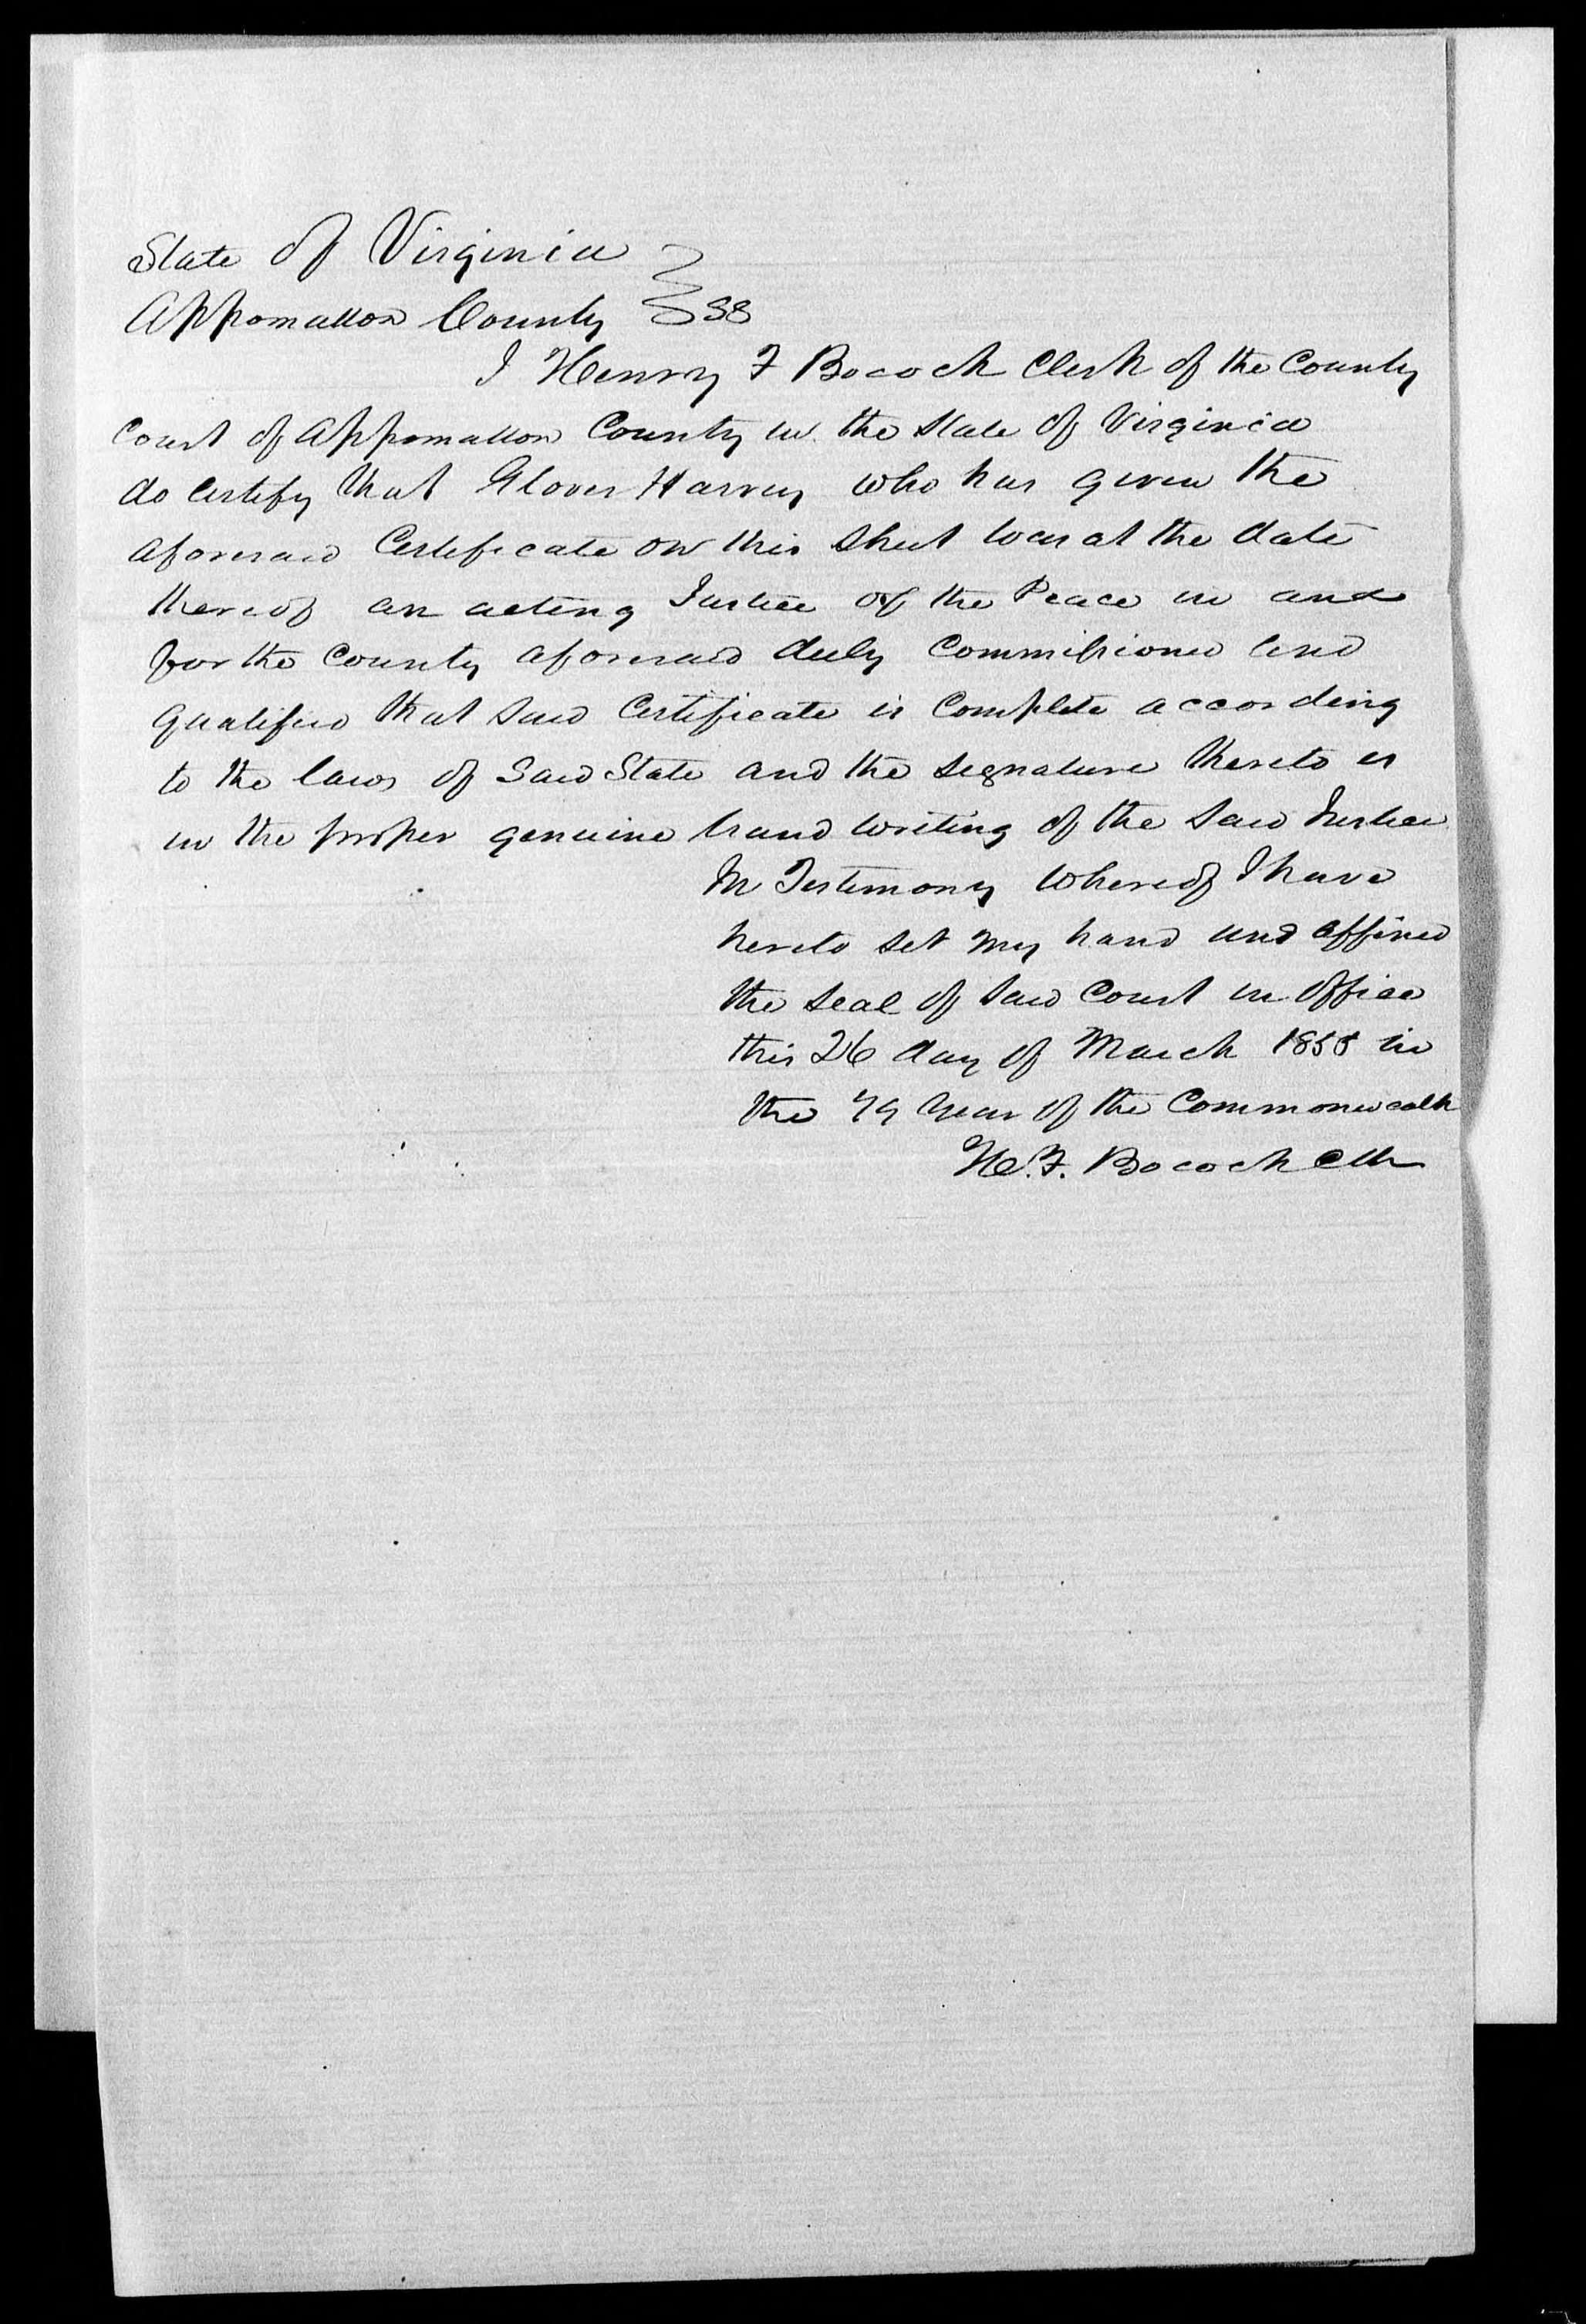State of Virginia
Appomattox County SS
I Henry F Bocock Clerk of the County
Court of Appomattox County in the State of Virginia
do certify that Glover Harvey who has given the
aforesaid Certificate on this sheet was at the date
thereof an acting Justice of the Peace in and
for the County aforesaid duly commissioned and
qualified that said certificate is complete according
to the laws of said State and the signature thereto is
in the proper genuine hand writing of the said Justice
In Testimony whereof I have
hereto set my hand and affixed
the seal of said Court in office
this 26 day of March 1855 in
the 79 year of the Commonwealth
H.F. Bocock Clk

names: Glover Harvey; Henry F Bocock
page: 11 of 50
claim: widow's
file: W. 1929, for Lloyd Portwood, Virginia